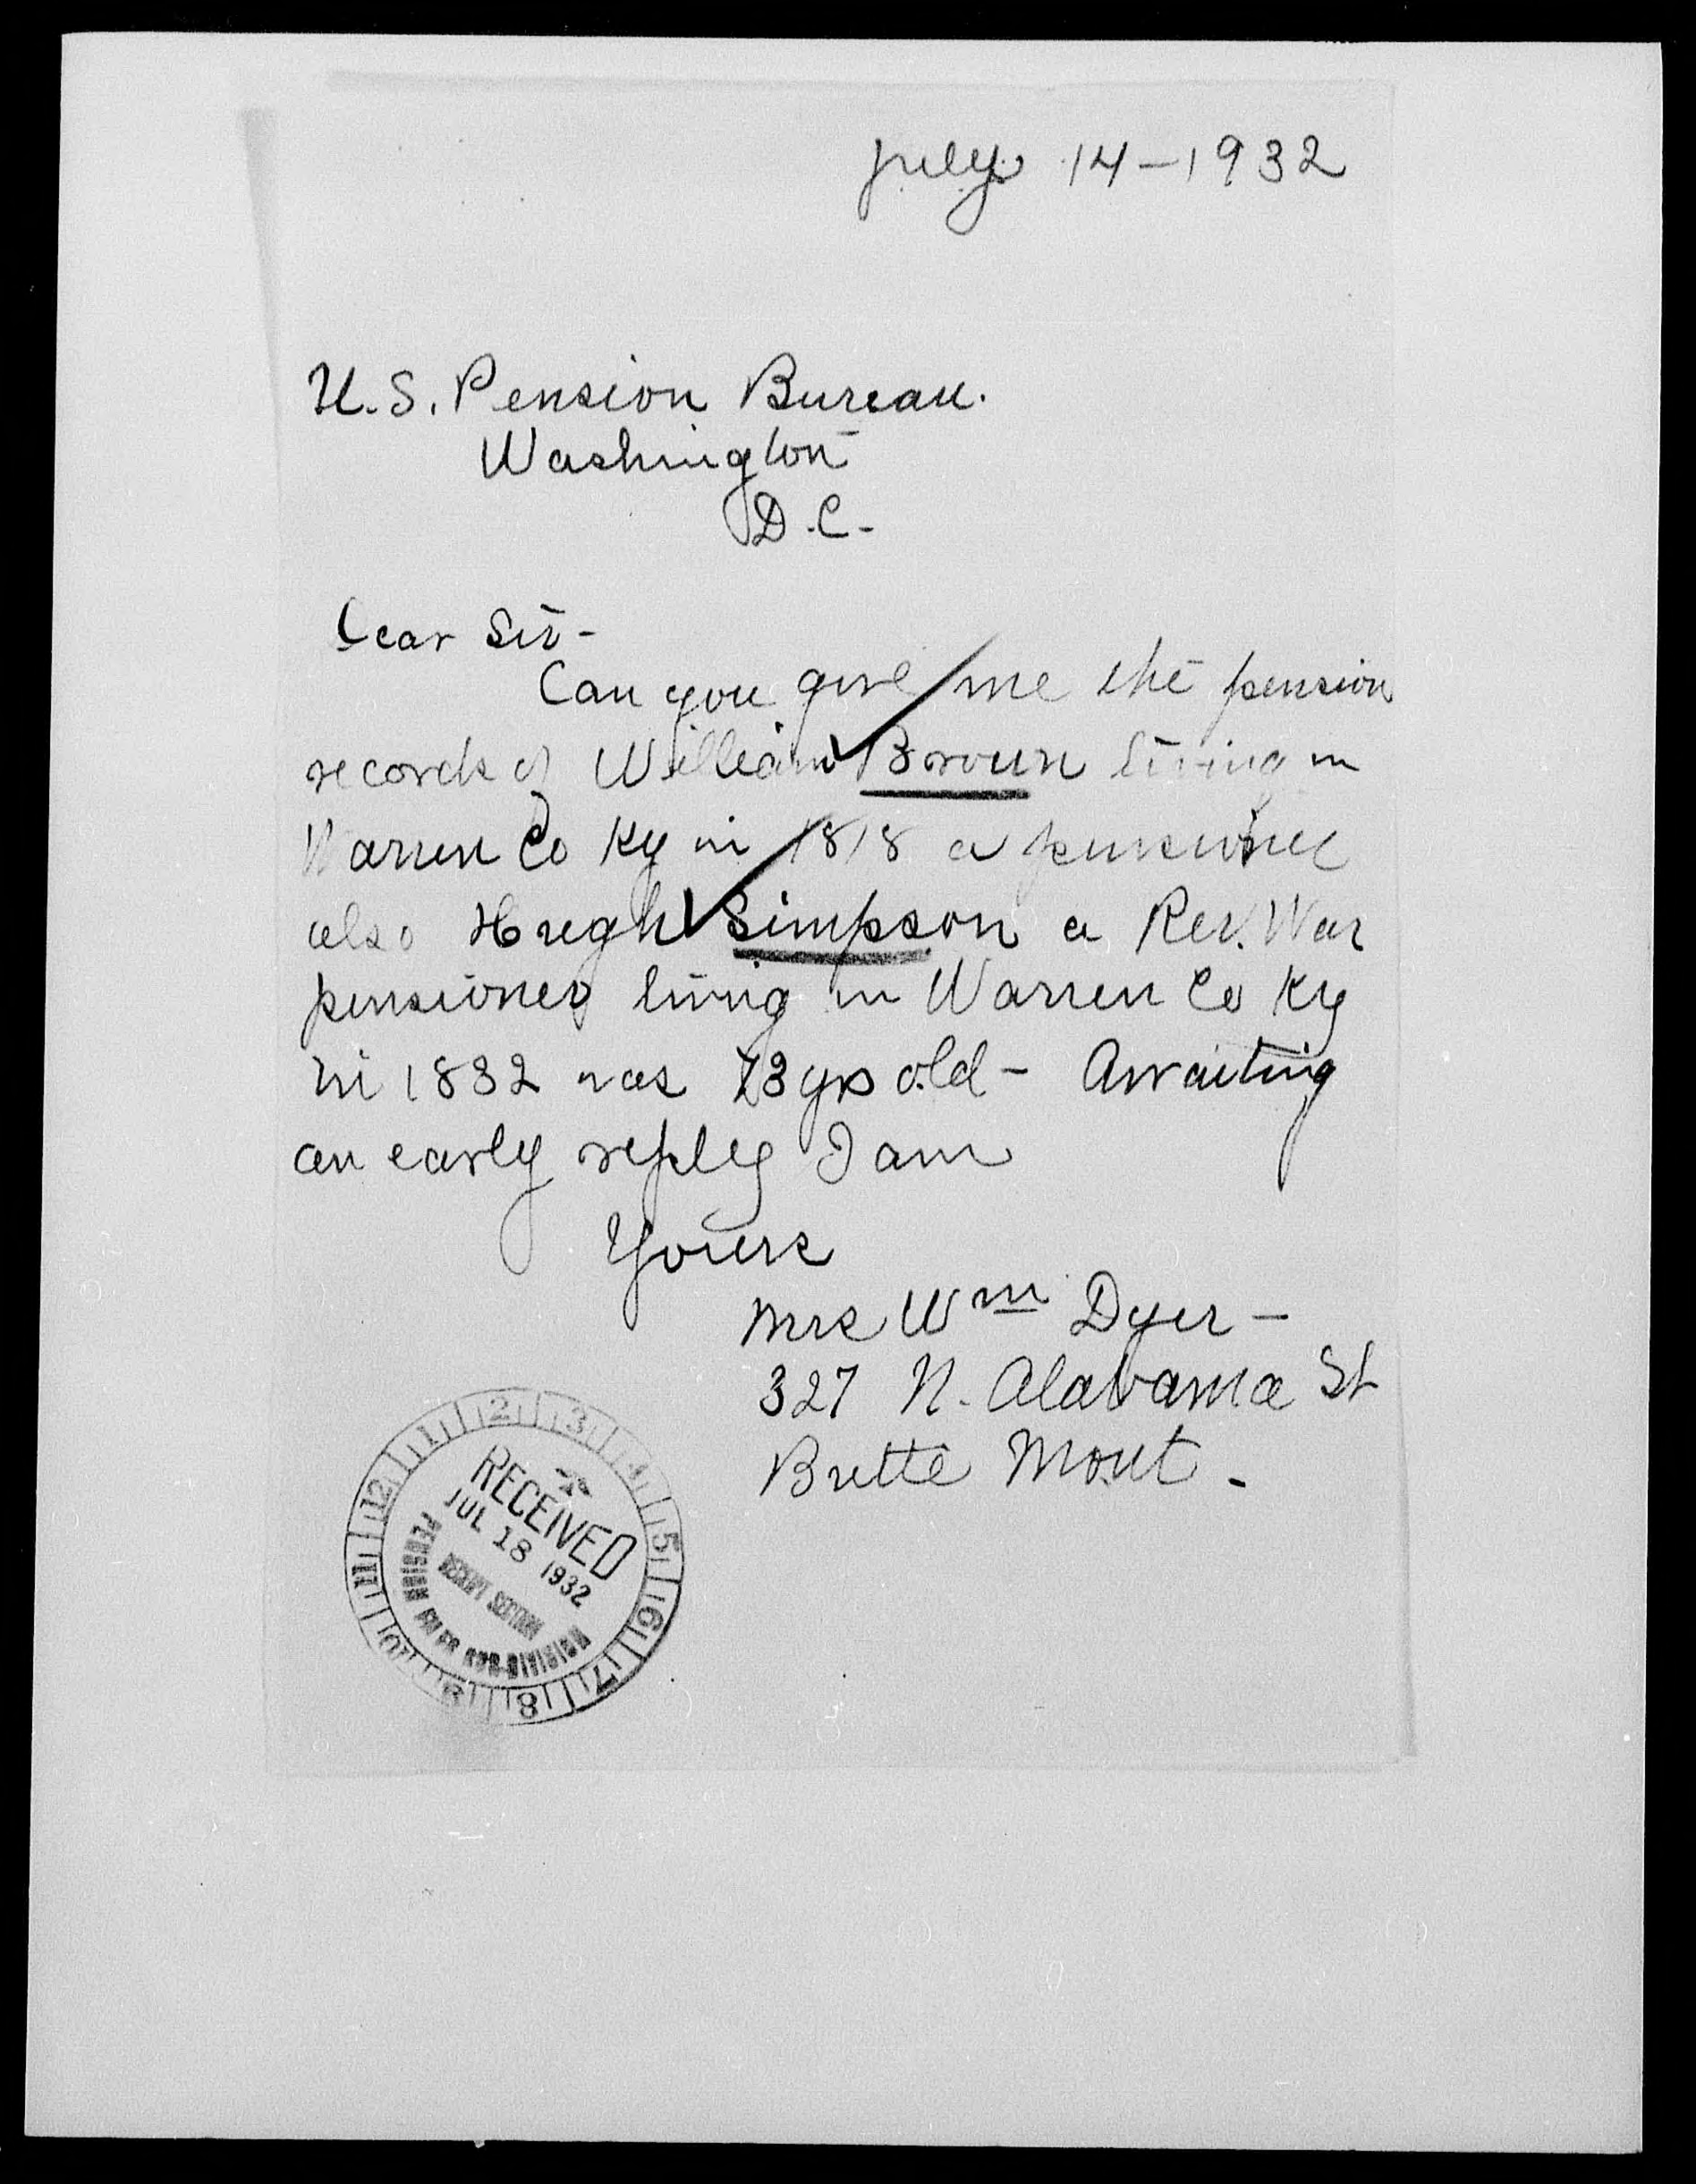July 17 - 1932

U.S. Pension Bureau.
Washington 
D.C.

Dear Sir -
Can you give me the pension
record of William Brown living in
Warren Co Ky in 1818 a pensioner
also Hugh Simpson a Rev. War
pensioner living in Warren Co Ky
ni 1832 was 73 yrs old - Awaiting
an early reply I am
Yours

Mrs Wm Dyer -
327 N. Alabama St
Butte Mont -

[rubber stamp:]
Received
Jul 18 1932
Receipt Section
Pension [illegible] Division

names: Wm Dyer, William Brown, Hugh Simpson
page: 10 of 21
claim: survivor's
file: S. 35,788, William Brown, Va.